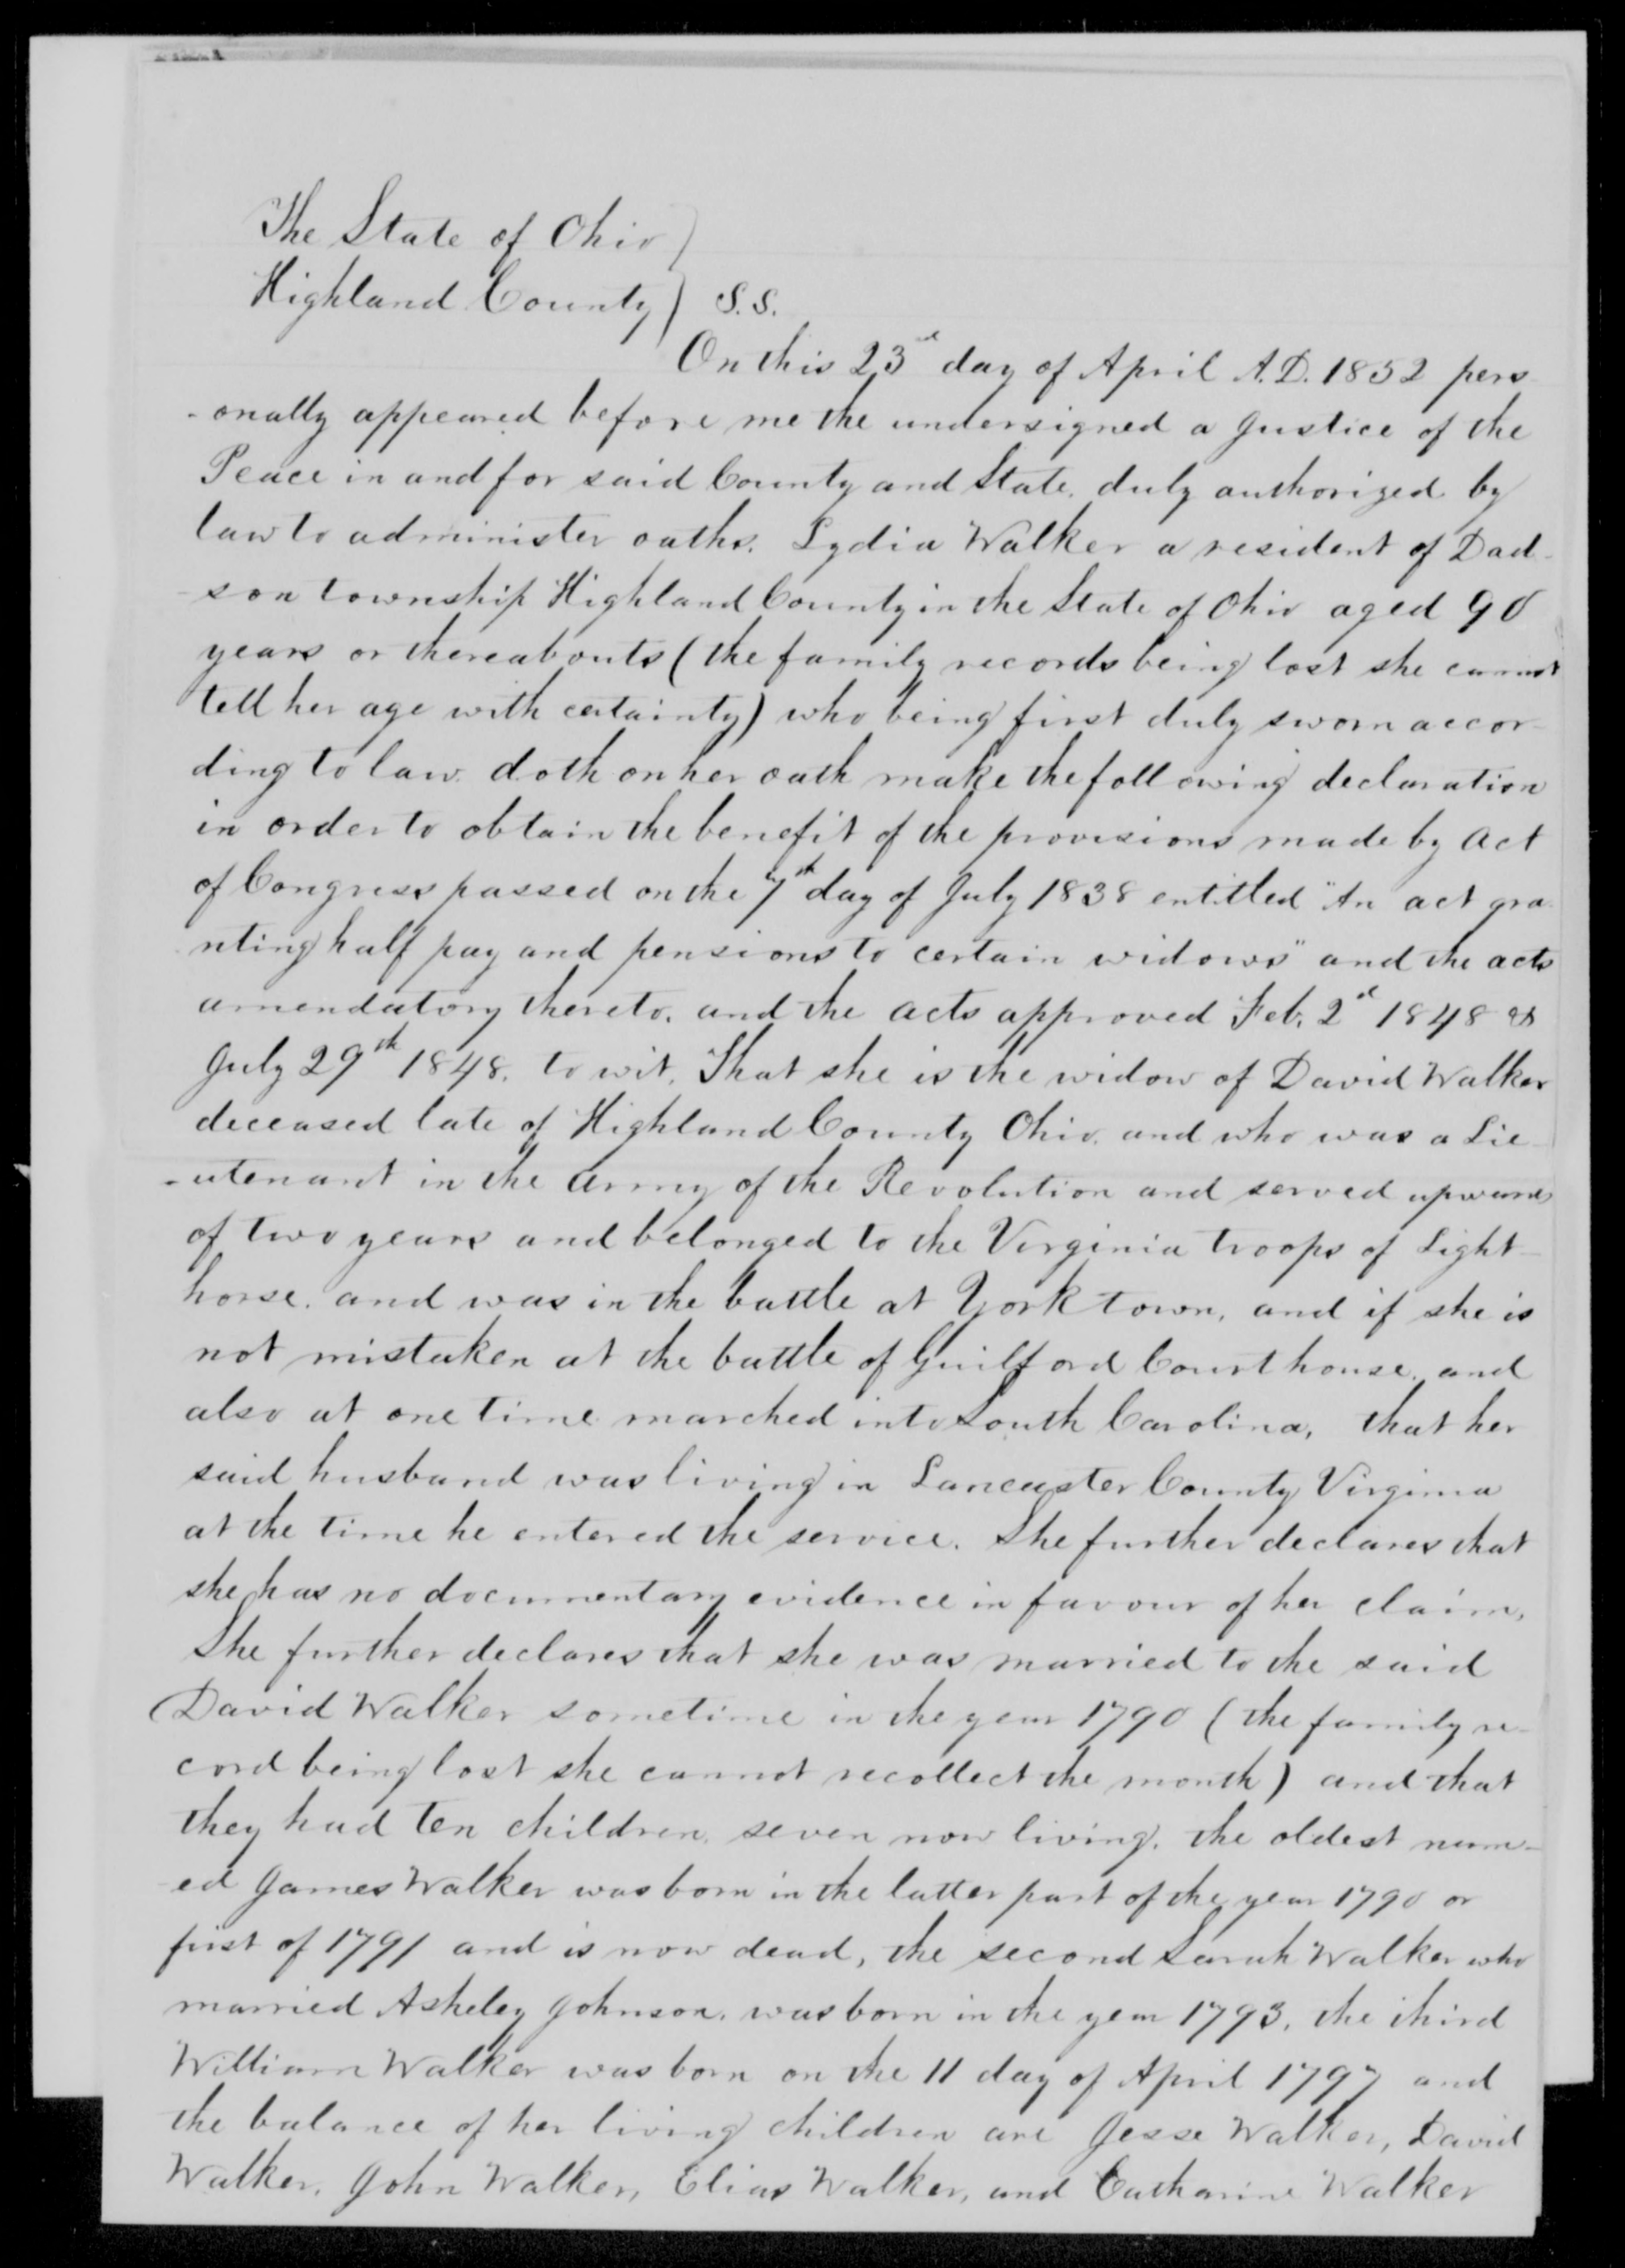The State of Ohio
Highland County
On this 23d day of April A.D. 1832 personally appeared before me the undersigned a Justice of the Peace in and for said County and State duly authorized by law to administer oaths. Lydia Walker a resident of Dadson township Highland County in the State of Ohio aged 90 years or thereabouts (the family records being lost she cannot tell her age with certainty) who being first duly sworn according to law doth on her oath make the following declaration in order to obtain the benefit of the provisions made by act of Congress passed on the 9th day of July 1838 entitled “An act granting half pay and pensions to certain widows" and the acts amendatory thereto, and the act approved Feb. 2nd 1848 & July 29th 1848.” to wit, That she is the widow of David Walker deceased late of Highland County Ohio, and who was a Lieutenant in the Army of the Revolution and served upwards of two years and belonged to the Virginia troops of Light Horse and was in the battle at York town, and if she is not mistaken at the Battle of Guilford Courthouse, and also at one time marched into South Carolina, that her said husband was living in Lancaster County Virginia at the time he entered the service. She further declares that she has no documentary evidence in favor of her claim, she further declares that she was married to the said David Walker sometime in the year 1790 (the family in cord being lost she cannot recollect the month, and that they had ten children. seven now living, the oldest num- James Walker was born in the latter part of the year 1790 or first of 1791 and is now dead, the second Sarah Walker who married Ashley Johnson, was born in the year 1793 the third William Walker was born on the 11 day of April 1797 and the balance of her living children and Jesse Walker, David Walker, John Walker, Elias Walker, and Catharine Walker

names: Sarah Walker, David Walker, James Walker, Lydia Walker, Catharine Walker, Asheley Johnson, William Walker, David Walker, John Walker, Elias Walker, David Walker, Jesse Walker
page: 13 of 37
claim: rejected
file: R. 11047, David Walker, N.C.